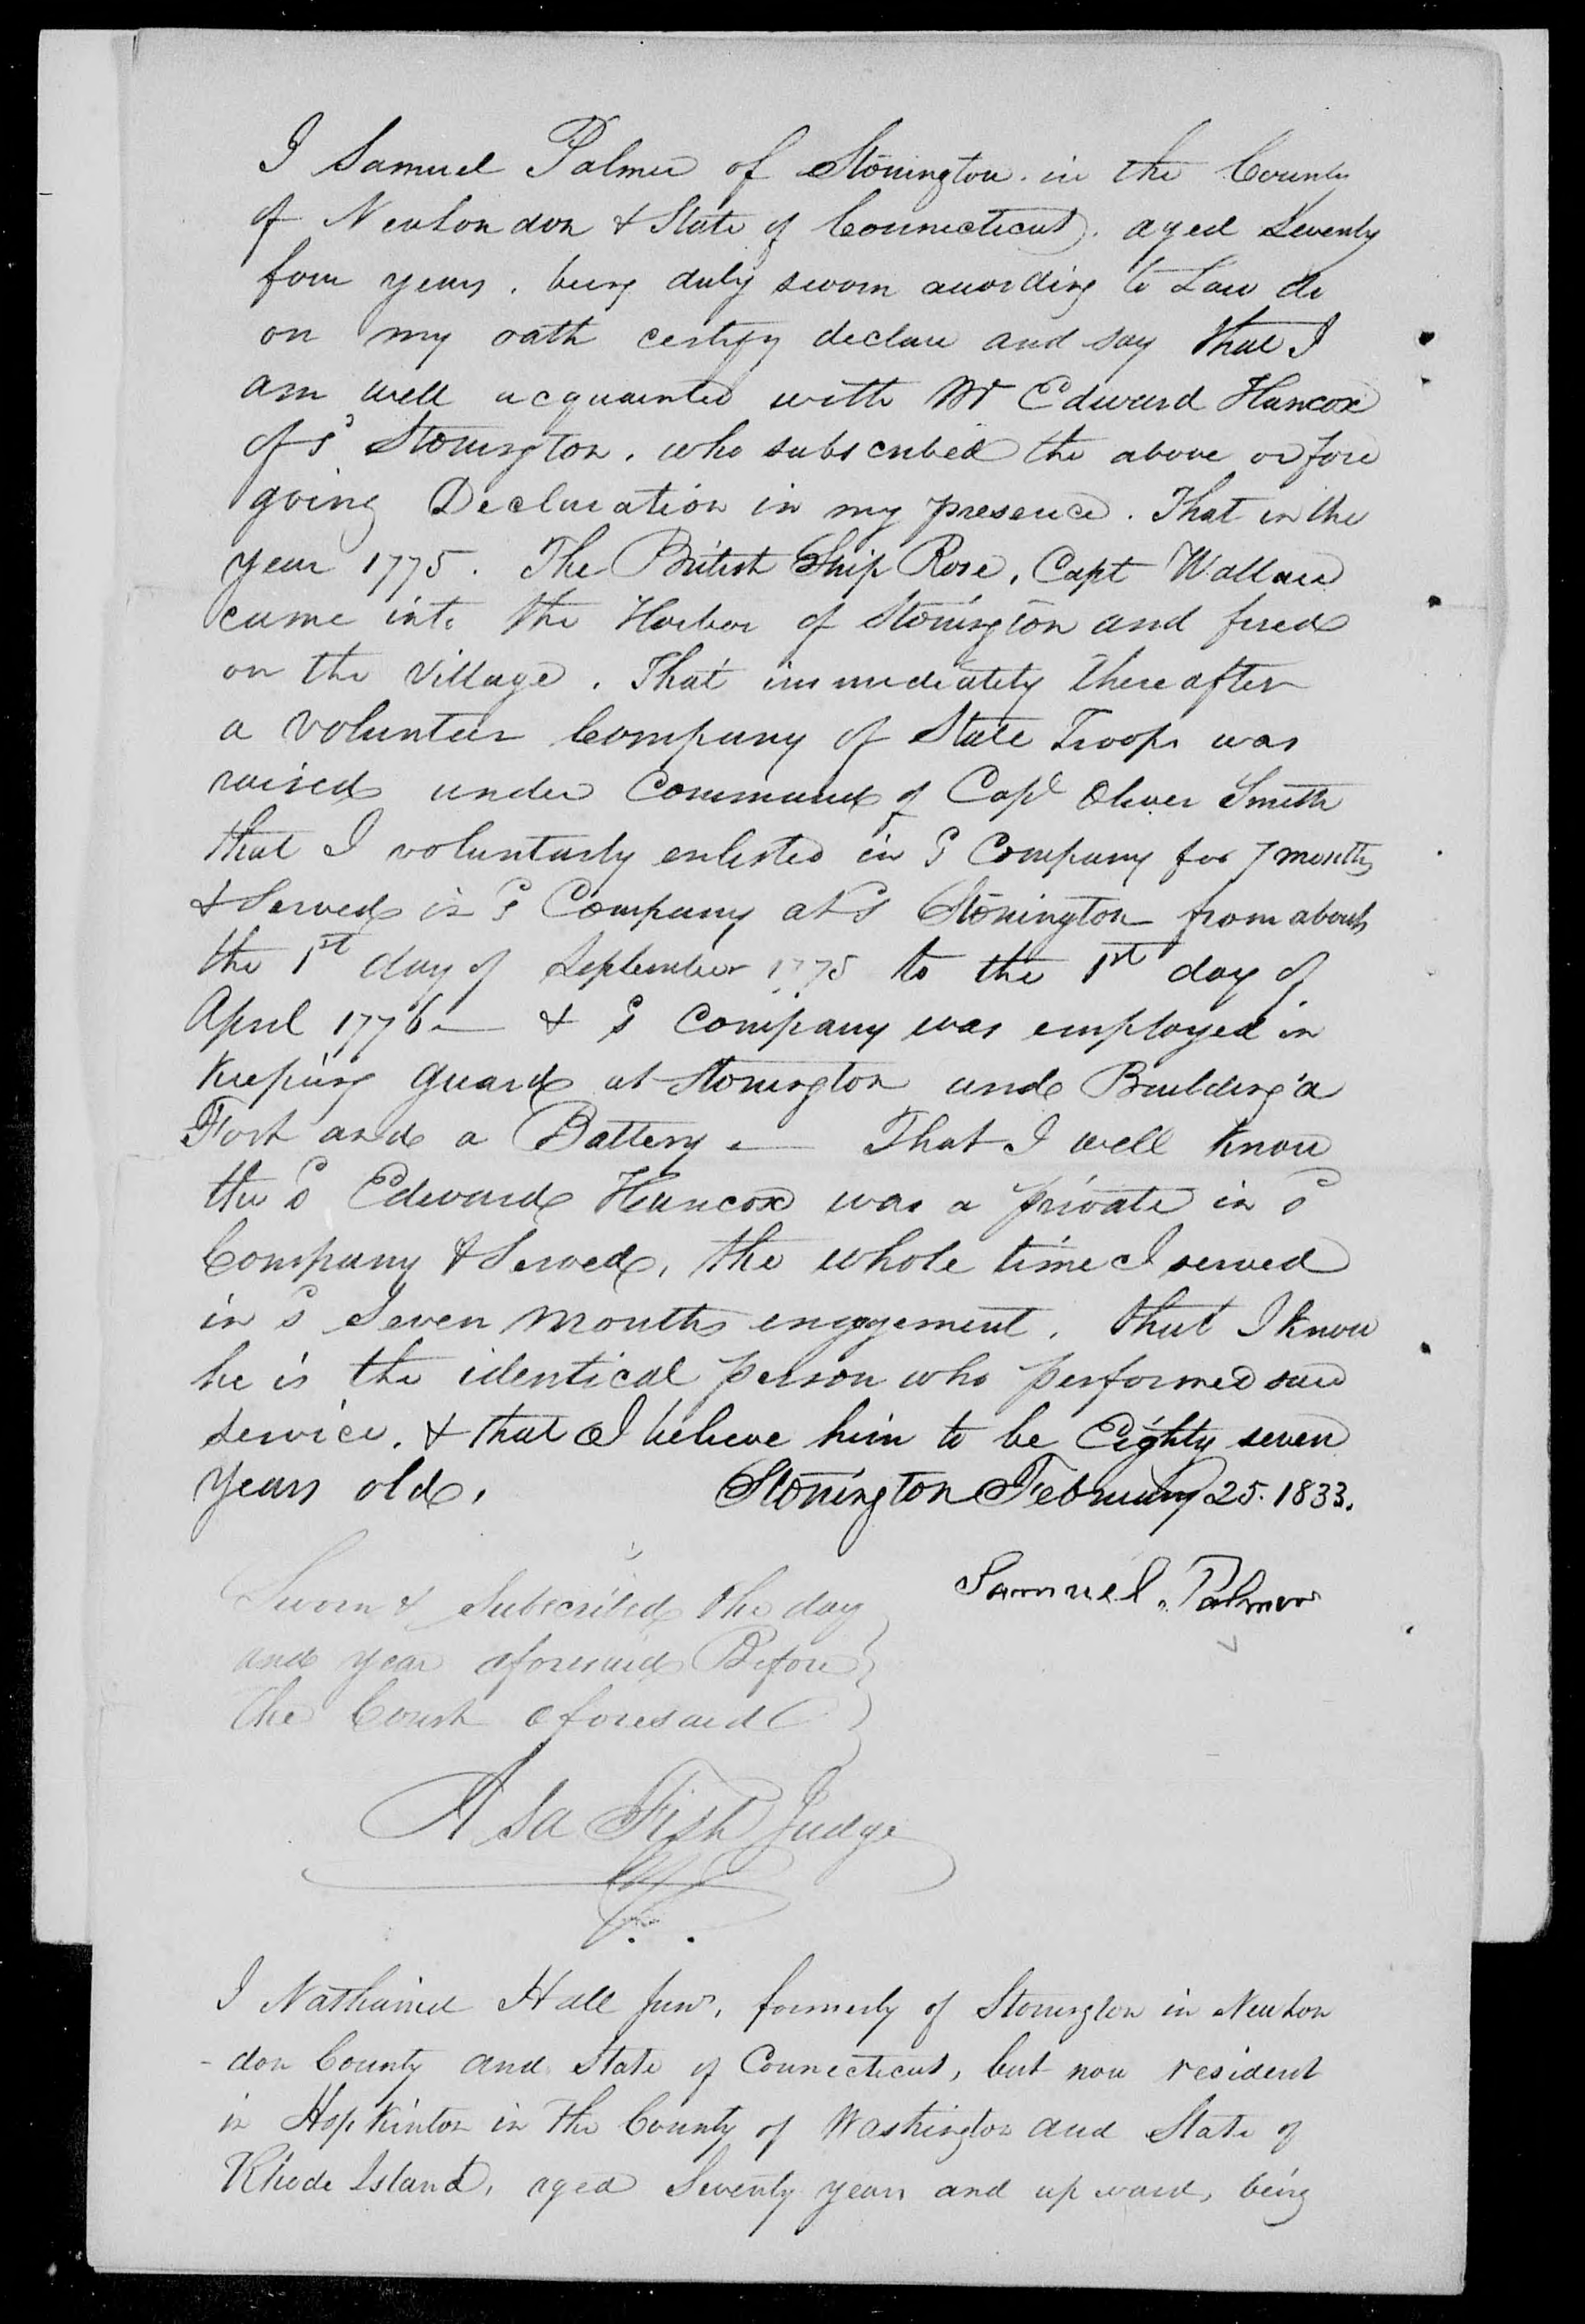I Samuel Palmer of Stonington in the County
of New London & State of Connecticut aged seventy four years, being duly sworn according to law do on my oath certify declare and say 
that I am well acquainted with Mr Edward Hancox of sd. Stonington, who subscribed the above as foregoing Declaration in my presence. That in the year 1775. The British Ship Rose, Capt Wallace came into the Harbor of Stonington and fired on the village. That immediately thereafter a volunteer Company of State Troop was raised under command of Capt Oliver Smith
that I voluntarily enlisted in sd. Company for 7 months & served in sd Company at Stonington from about the 1st day of September 1775 to the 1st day of April 1776. & sd. Company was employed in keeping guard at Stonington and Building a Fort and a Battery. That I well know
the sd Edward Hancox was a private in sd. company & served, the whole time I served in sd. seven months engagement. That I know
he is the identical person who performed said
service, & that I believe him to be Eighty seven
years old,
Stonington February 25, 1833.
Samuel Palmer

Sworn & Subscribed the day
and year aforesaid Before
the Court aforesaid
Asa Fish Judge

I Nathaniel Hall Junr formerly of Stonington in New London County and State of Connecticut, but now resident in Hopkinton in the County of Washington and State of Rhode Island, aged Seventy years and upward, being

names: Edward Hancox, Samuel Palmer, Oliver Smith, Samuel Palmer, Nathaniel Hall, Wallace, Asa Fish, Edward Hancox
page: 6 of 26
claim: survivor's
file: S. 16843, Edward Hancox, Conn.